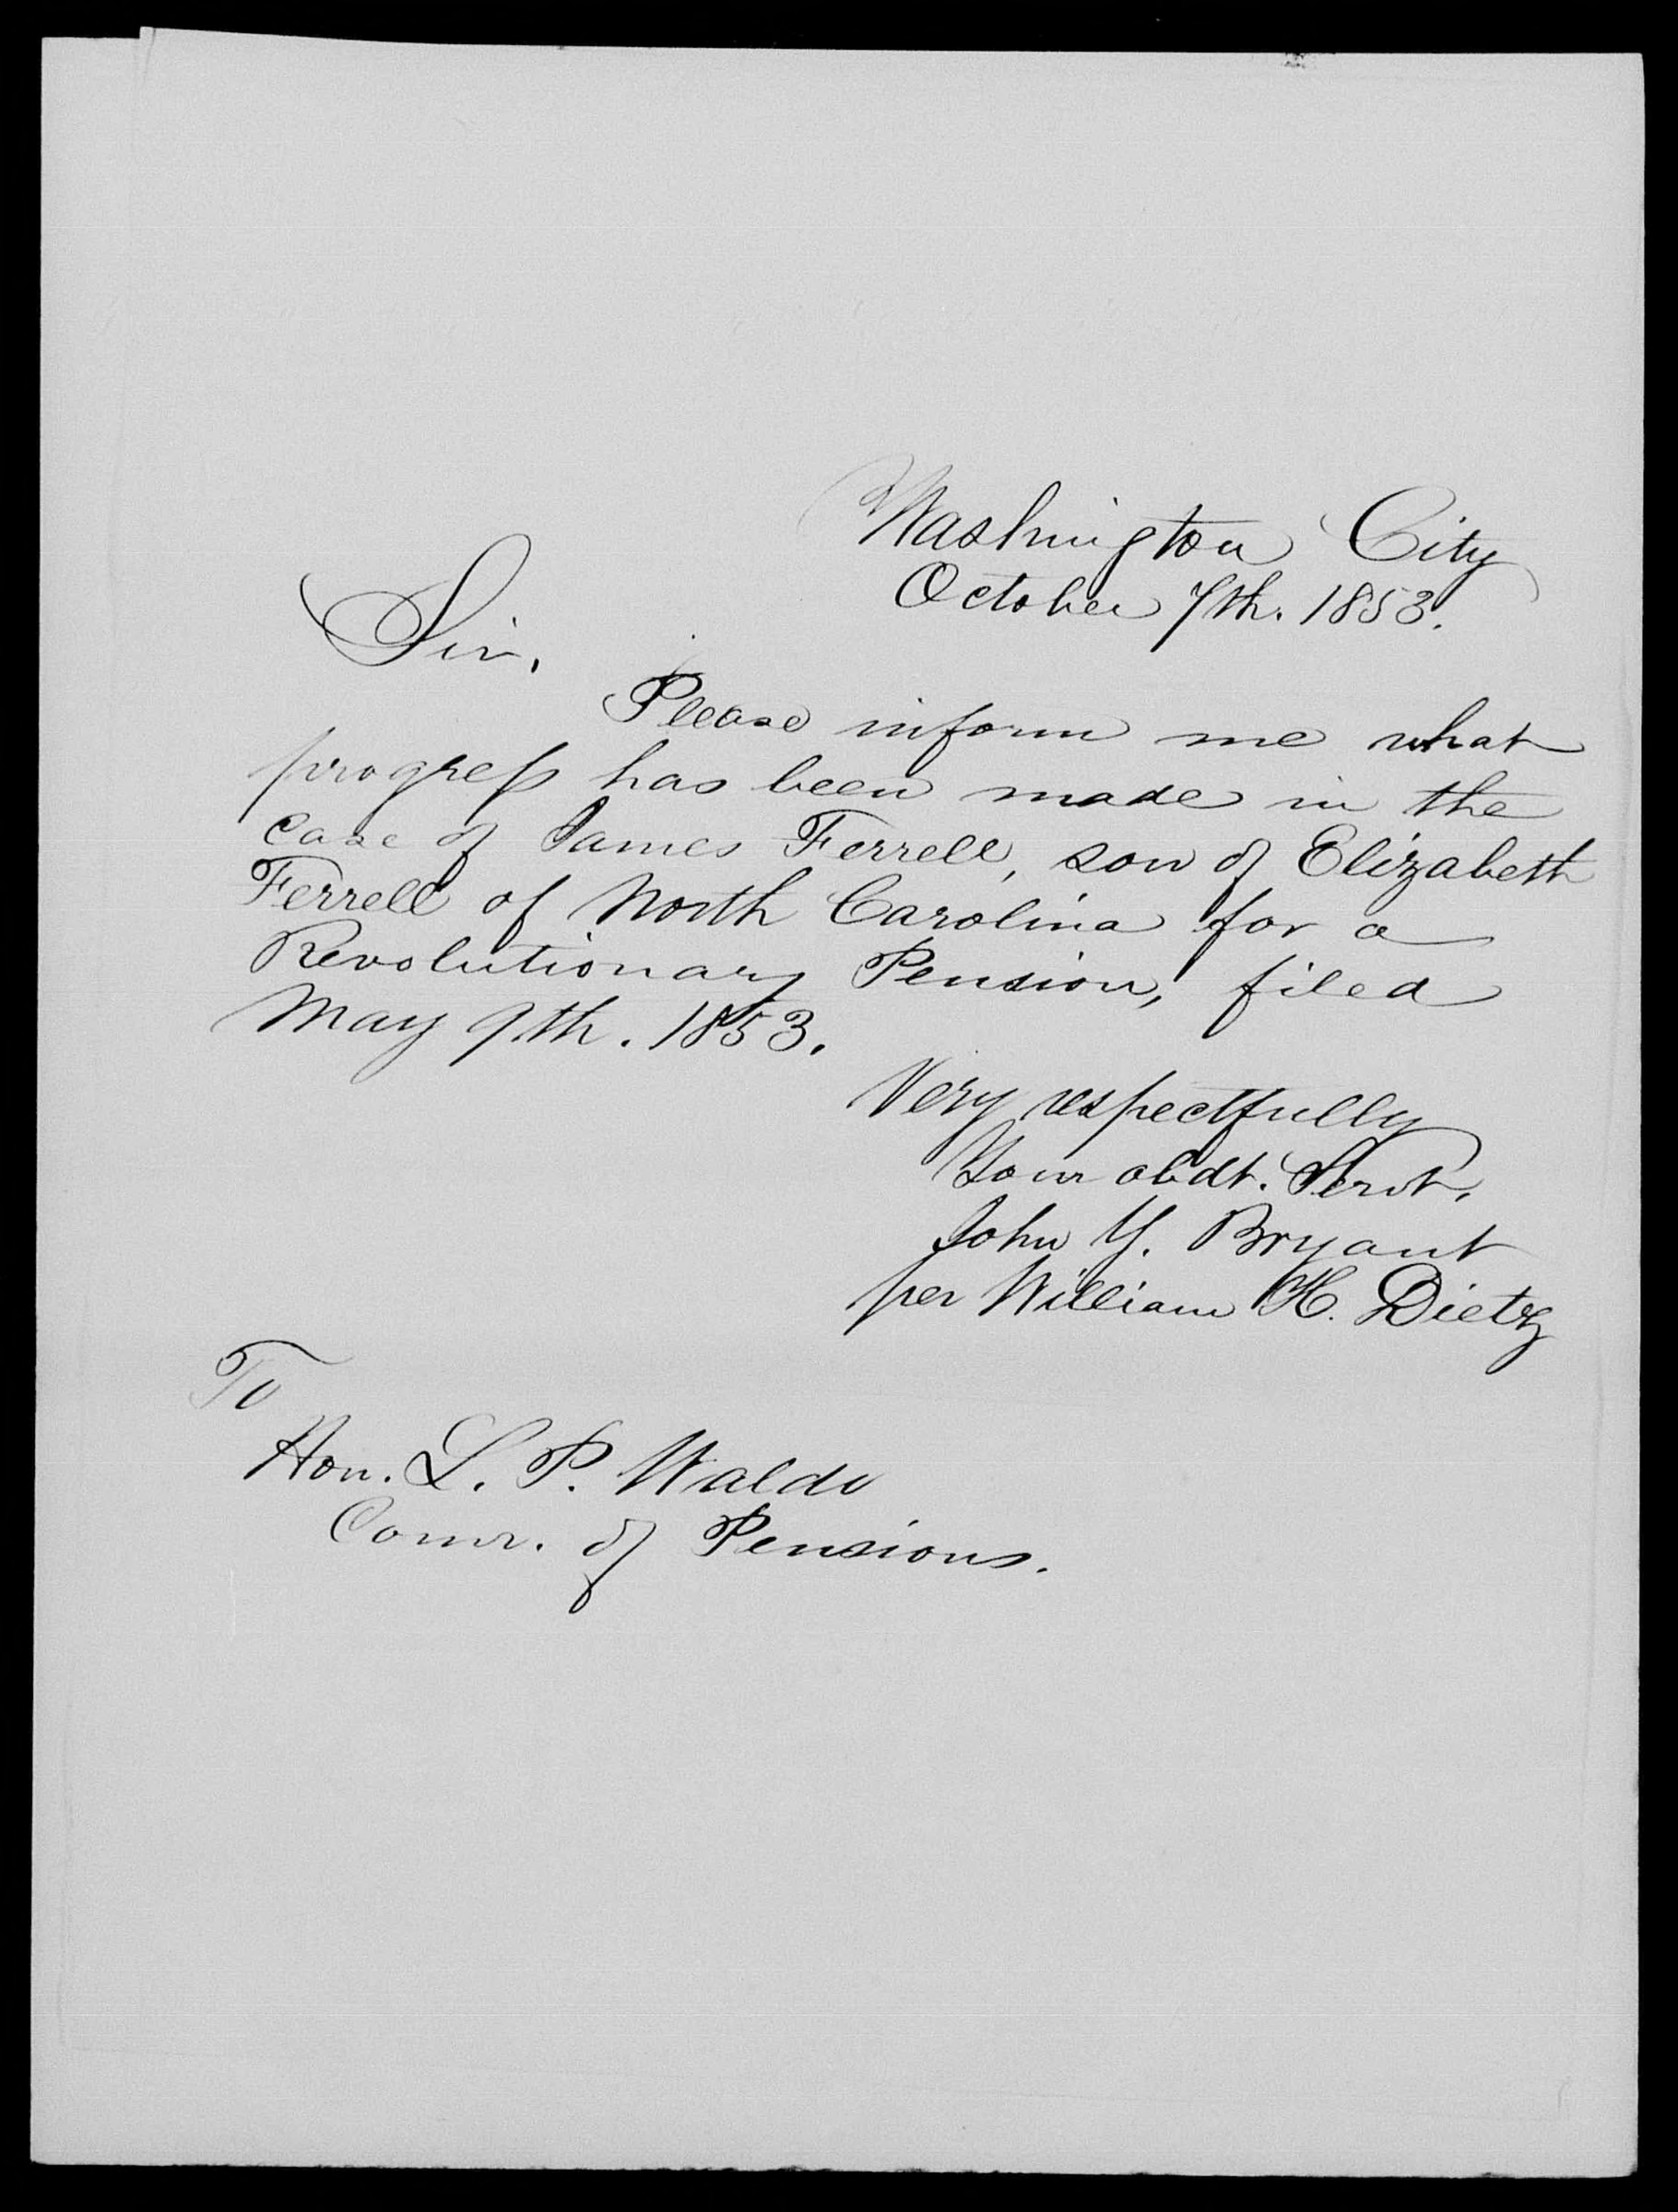Washington City
October 7th, 1852
Sir,
Please inform me what progress has been made in the case of James Ferrell, son of Elizabeth Ferrell of North Carolina for a Revolutionary Pension, filed May 9th, 1853.
Very respectfully
Your abet. Servt.
John Y. Bryant
For William H. Deitz
To Hon. L.P. Waldo
Comm. of Pensions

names: James Ferrell, Elizabeth Ferrell, John Y Bryant, William H Dietz, L P Waldo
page: 28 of 52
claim: rejected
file: R. 3,512, John Ferrell, N.C.